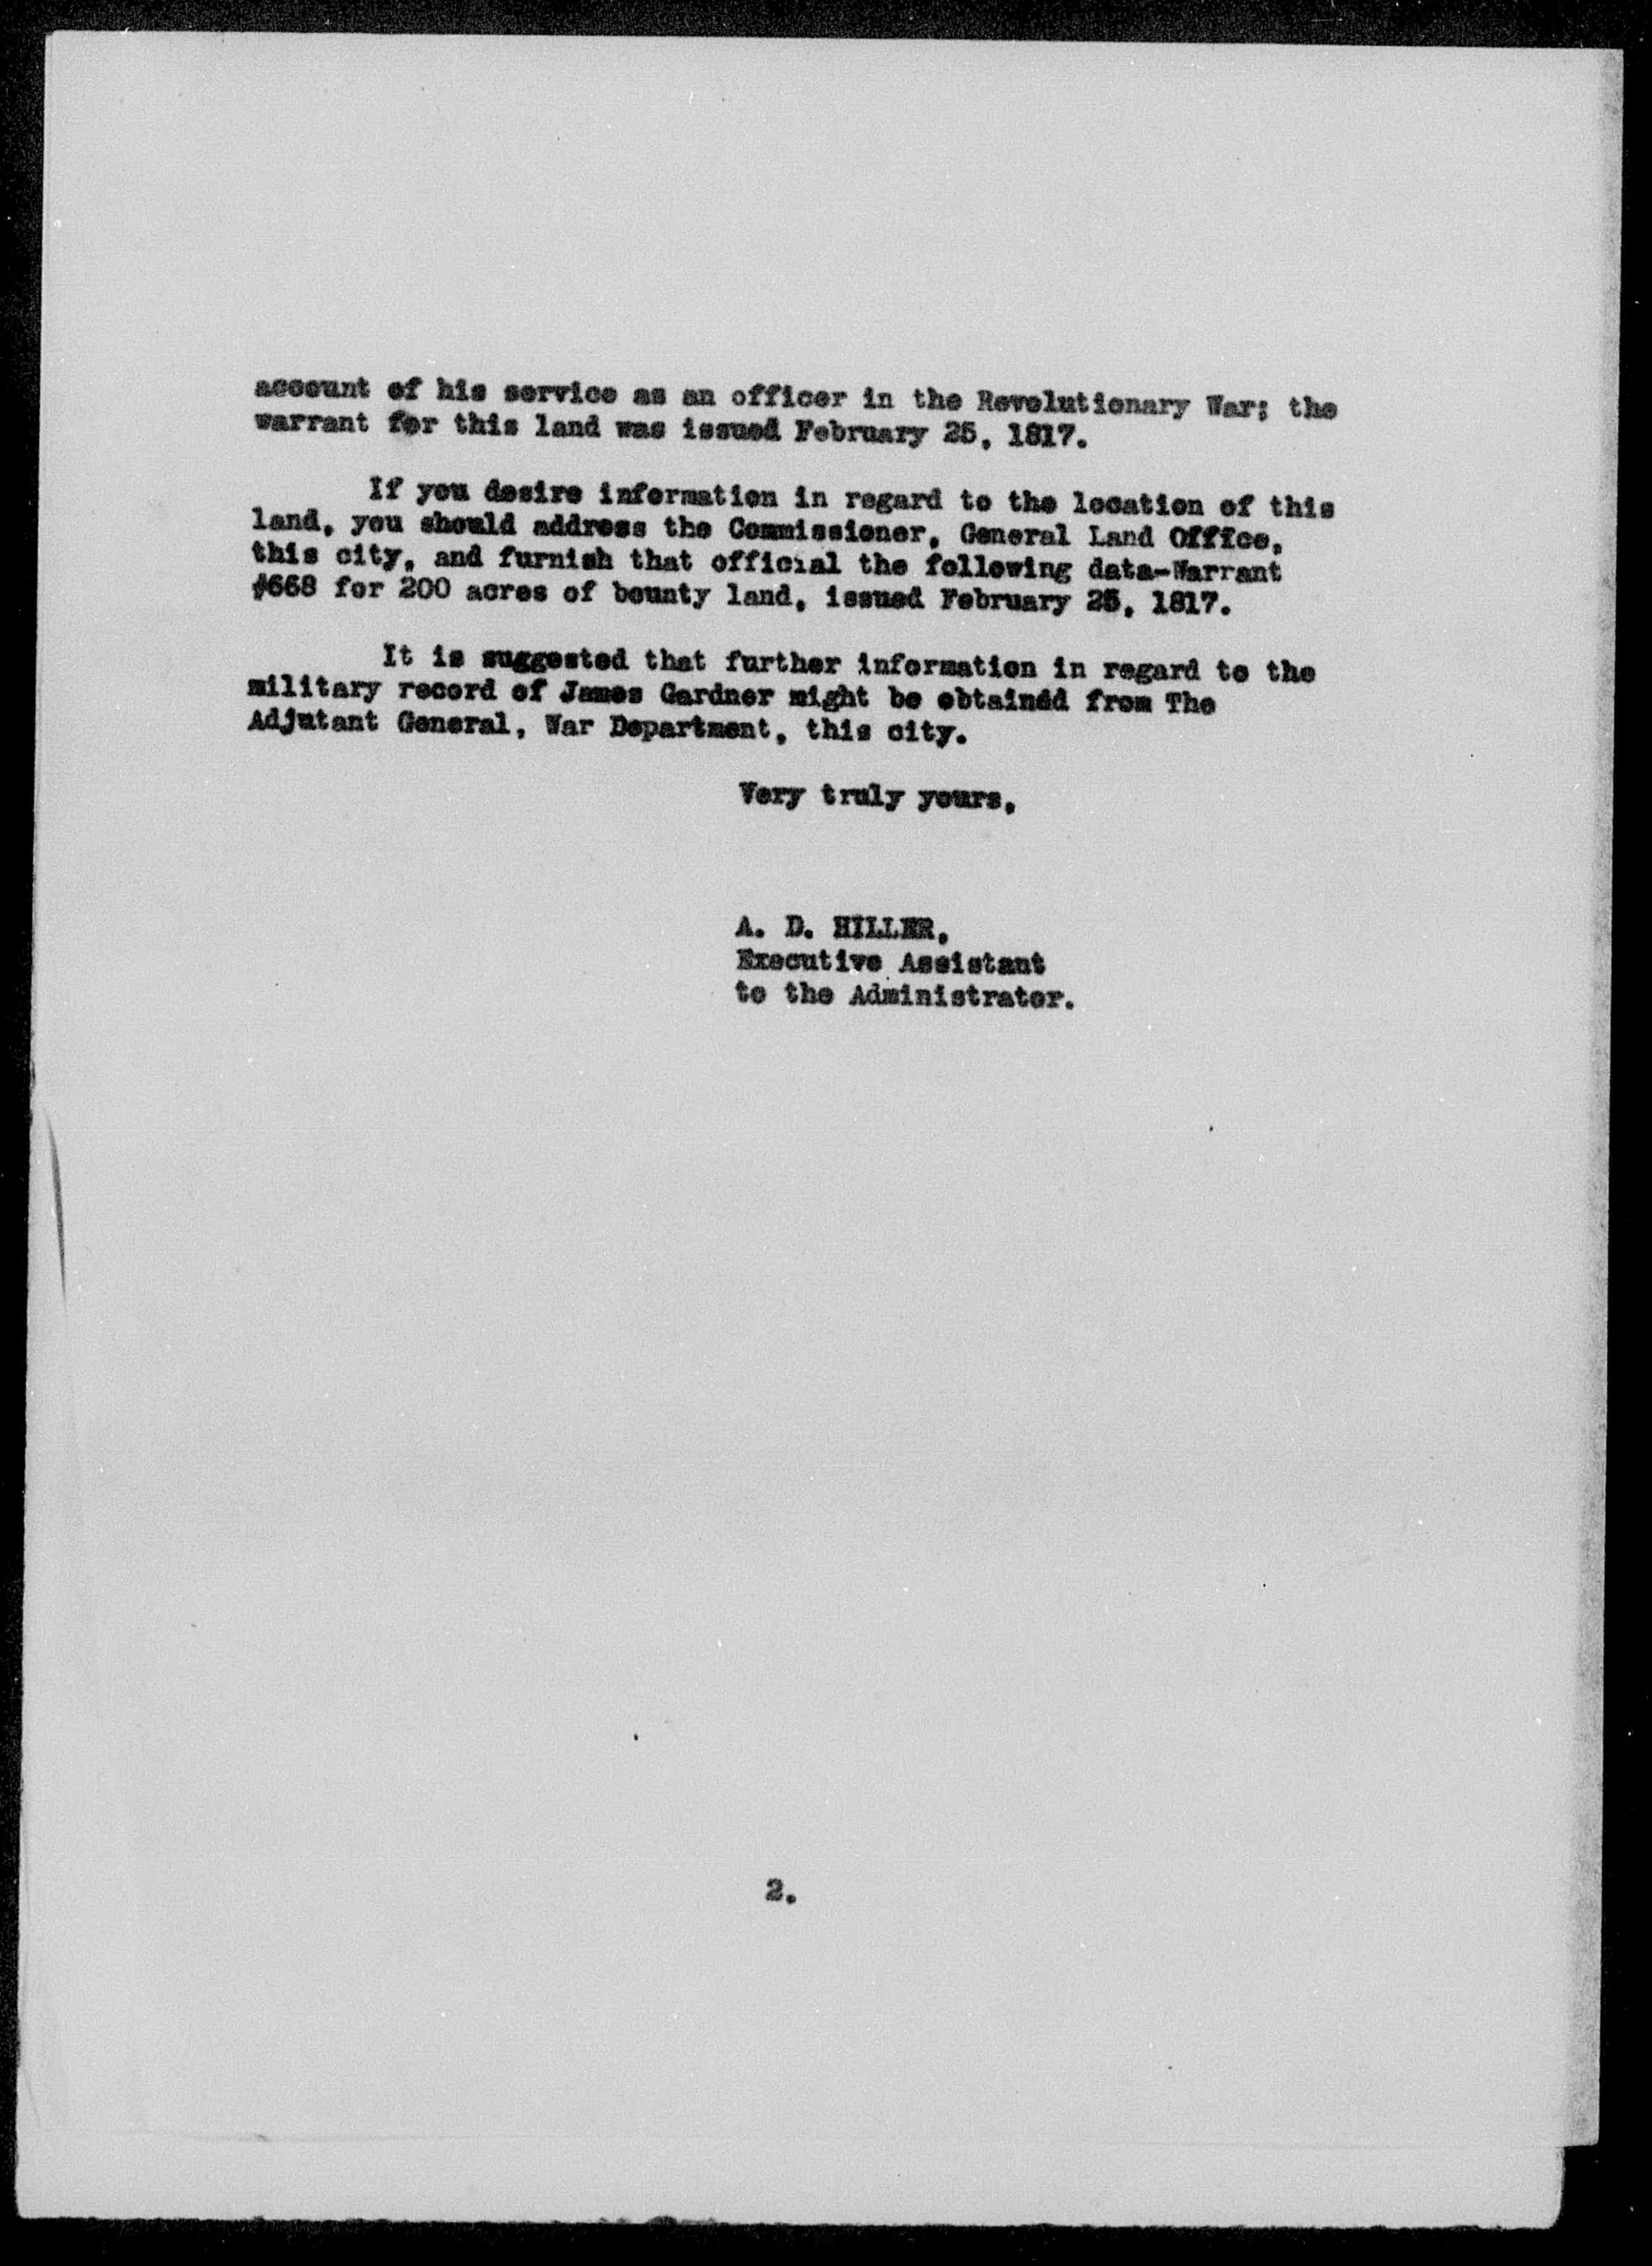account of his service as an officer in the Revolutionary War; the warrant for this land was issued February 25, 1817. 
If you desire information in regard to the location of this land, you should address the Commissioner, General Land Office, this city, and furnish that official the following data-Warrant #668 for 200 acres of bounty land, issued February 25, 1847. 
It is suggested that further information in regard to the military record of James Gardner might be obtained from the Adjutant General, War Department, this city. 
Very truly yours, 
A. D. HILLER, 
Executive Assistant 
to the Administrator.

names: James Gardner, A D Hiller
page: 10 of 18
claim: bounty land warrant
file: B. L. Wt. 668-200, James Gardner, Continental Artillery Parents Of N.Y.